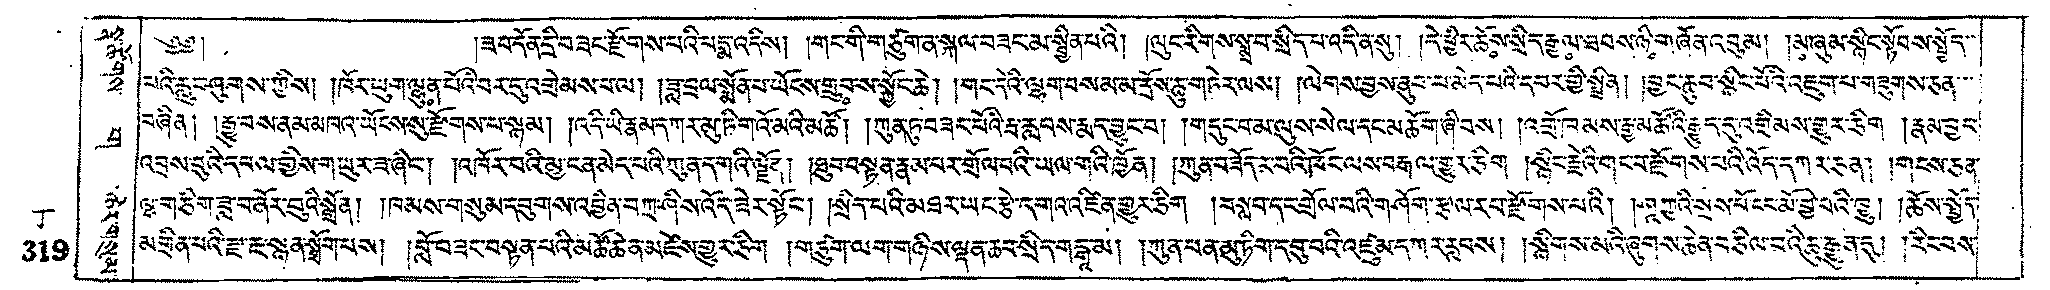༄༅། །ཟབ་དོན་དྲི་བཟང་རྫོགས་པའི་པདམ་འདིས། །གང་གི་གཙུག་ན་སྐལ་བཟང་མ་སྦྱིན་པའི། །ལུང་རིགས་སྨྲ་བ་སྲིད་པ་འདི་ན་སུ། །དེ་ཕྱིར་ཆོས྾་སྲིད་རྒྱལ྾་ཐབས་ཉི྾་གཞོན་འབུམ། །མ྾་ཞུམ་སྙིང་སྟོབས་སྤྱོད་་་
པའི་རླུང་ཤུགས་ཀྱིས། །ཁོར་ཡུག་ལྷུན྾་པོའི་བར་དུ་འགྲེམས་པ་ལ། །ཟླ་བྲལ་སྨོན་པ་ཡོངས་གྲུབ྾་ས་སྐྱོང་ཆེ། །གང་དེའི་ལྷག་བསམ་མ་དྲོས་ཆུ་གཏེར་ལས། །ལེགས་བྱས་ནུབ་པ་མེད་པའི་དཔར་གྱི་སྤྲིན། །བྱང་ཆུབ་སྙིང་པོའི་འཇུག་པ་གཟུགས་ཅན་་་
བཞིན། །རྒྱུ་བས་ནམ་མཁའ་ཡོངས་སུ་རྫོགས་པ་སྙམ། །འདི་ཡི་རྣམ་དཀར་མུ་ཏིག་འོ་མའི་མཚོ། །ཀུན་ཏུ་བཟང་པོའི་རྦ་རླབས་རྨད་བྱུང་བ། །གདུང་བ་མ་ལུས་སེལ་དང་མཆོག་ཞི་བས། །འགྲོ་ཁམས་རྒྱ་མཚོའི་རྒྱུད་དུ་འགྲིམས་གྱུར་ཅིག །རྣམ་བྱང་
འབྲས་བུའི་དཔལ་གྱིས་གཡུར་ཟ་ཞིང་། །འཁོར་བའི་མྱ་ངན་མེད་པའི་ཀུན་དགའི་ལྗོན། །ཐུབ་བསྟན་རྣམ་པར་གྲོལ་བའི་ཡལ་གའི་ཁྱོན། །ཀུན་བཟོད་ར་བའི་ཁོང་ལས་བརྒལ་གྱུར་ཅིག །སྙིང་རྗེའི་གང་བ་རྫོགས་པའི་འོད་དཀར་ཅན། །གངས་ཅན་
ལྷ་གཅིག་ཟླ་བ་ནོར་བུའི་སྒྲོན། །ཁམས་གསུམ་དབུགས་འབྱིན་བཀྲ་ཤིས་འོད་ཟེར་སྟོང་། །སྲིད་པའི་མཐར་ཡང་རྩེ་དགའ་འཛིན་གྱུར་ཅིག །བསླབ་དང་གྲོལ་བའི་གཤོག་རྩལ་རབ་རྫོགས་པའི། །ཤཱཀྱའི་སྲས་པོ་ངང་མོ་བྱེ་བའི་ཁྱུ། །ཆོས་སྤྱོད་
མགྲིན་པའི་རྫ་རྔ་སྙན་སྒྲོག་པས། །བློ་བཟང་བསྟན་པའི་མཚོ་ཆེན་མཛེས་གྱུར་ཅིག །གཙུག་ལག་གཉིས་ལྡན་ཆབ་སྲིད་གངཱ་མ། །ཀུན་ཕན་མུ་ཏིག་དབུ་བའི་འཛུམ་དཀར་རླབས། །སྙིགས་མའི་ཞུགས་ཆེན་བཅིལ་བའི་ཆུ་རྒྱན་དུ། །རིང་བས་